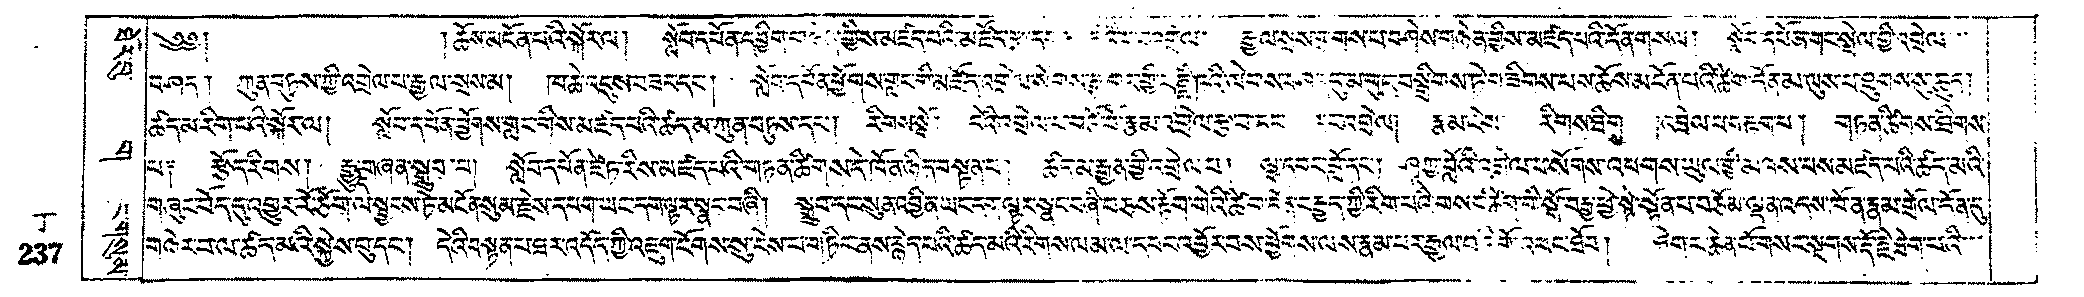༄༅། །ཆོས་མངོན་པའི་སྐོར་ལ། སློབ་དཔོན་དབྱིག་གཉེན་གྱིས་མཛད་པའི་མཛོད་རྩ་དང་། དེའི་རང་འགྲེལ། རྒྱལ་སྲས་གྲགས་པ་བཤེས་གཉེན་གྱིས་མཛད་པའི་དོན་གསལ། སློབ་དཔོན་གང་སྤེལ་གྱི་འགྲེལ་་་
བཤད། ཀུན་བཏུས་ཀྱི་འགྲེལ་པ་རྒྱལ་སྲས་མ། ཁ་ཆེ་འདུས་བཟང་དང་། སློབ་དཔོན་ཕྱོགས་གླང་གི་མཛོད་འགྲེལ་སོགས་རྒྱ་གར་གྱི་པཎྜི་ཏའི་ལེགས་བཤད་དུ་མ་གུང་བསྒྲིགས་ཏེ་གཟིགས་པས་ཆོས་མངོན་པའི་ཚིག་དོན་མ་ལུས་པ་ཐུགས་སུ་ཆུད།
ཚད་མ་རིག་པའི་སྐོར་ལ། སློབ་དཔོན་ཕྱོགས་གླང་གིས་མཛད་པའི་ཚད་མ་ཀུན་བཏུས་དང་། རིགས་སྒོ། དེའི་འགྲེལ་པ་གཙོ་བོ་རྣམ་འགྲེལ་རྩ་བ་དང་། རང་འགྲེལ། རྣམ་ངེས། རིགས་ཐིག །འབྲེལ་པ་བརྟག་པ། གཏན་ཚིགས་ཐིགས་
པ༑ རྩོད་རིགས། རྒྱུད་གཞན་སྒྲུབ་པ། སློབ་དཔོན་ཛེ་ཏ་རིས་མཛད་པའི་གཏན་ཚིགས་དེ་ཁོ་ན་ཉིད་བསྟན་པ། ཚད་མ་རྒྱན་གྱི་འགྲེལ་པ། ལྷ་དབང་བློ་དང་། ཤཱཀྱ་བློའི་འགྲེལ་པ་སོགས་འཕགས་ཡུལ་གྱི་མཁས་པས་མཛད་པའི་ཚད་མའི་
གཞུང་བོད་དུ་འགྱུར་རོ་ཅོག་ལ་སྦྱངས་ཏེ་མངོན་སུམ་རྗེས་དཔག་ཡང་དག་ལྟར་སྣང་བཞི། སྒྲུབ་དང་སུན་འབྱིན་ཡང་དག་ལྟར་སྣང་བཞི་བཅས་རྟོག་གེའི་ཚིག་དོན་བརྒྱད་ཀྱི་རིག་པའི་གསང་ཚིག་གི་སྒོ་བརྒྱ་ཕྱེ་སྟེ་སྟོན་པ་བཅོམ་ལྡན་འདས་ཁོ་ན་རྣམ་གྲོལ་དོན་དུ་
གཉེར་བ་ལ་ཚད་མའི་སྐྱེས་བུ་དང་། དེའི་བསྟན་པ་ཐར་འདོད་ཀྱི་འཇུག་ངོགས་སུ་ངེས་པ་གཏིང་ནས་རྙེད་པའི་ཚད་མའི་རིགས་ལམ་ལ་དབང་འབྱོར་བས་ཕྱོགས་ལས་རྣམ་པར་རྒྱལ་བའི་གོ་འཕང་ཐོབ། ཐེག་པ་ཆེན་པོ་གསང་སྔགས་རྡོ་རྗེ་ཐེག་པའི་་་